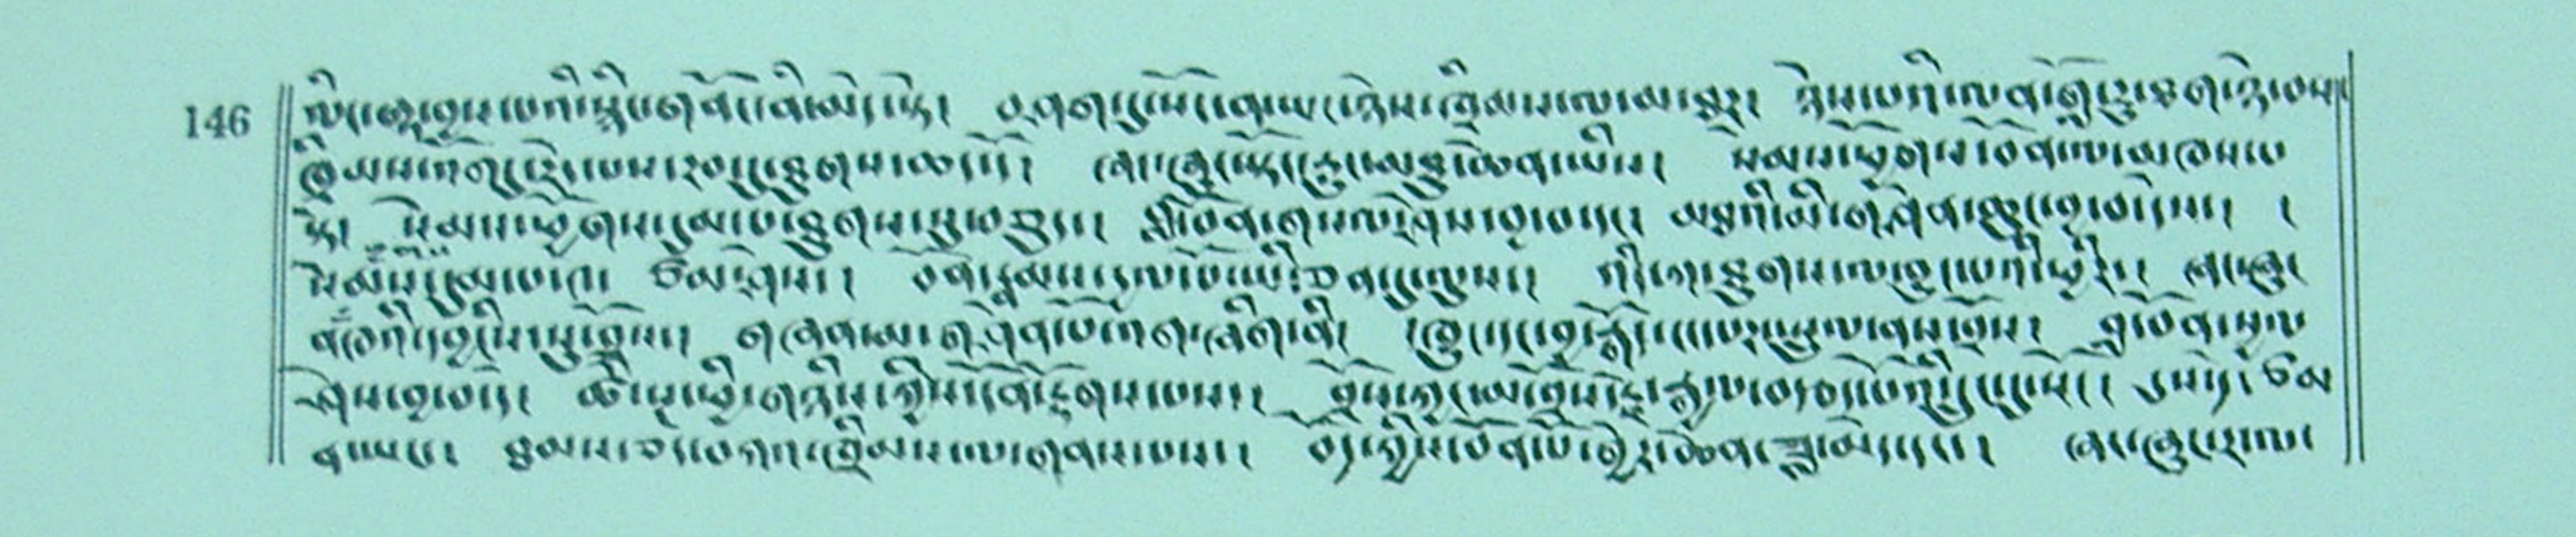ལིང་ག་བྱས་པའི་སྙིང་གནོང་ནི་མེད་དེ། བཤག་ཏུ་སོང་ན་ཉེས་ཁྲིམས་ལ་མ་ཐར། ཉེས་པའི་ལན་གློ་རུ་ཐག་ཉེ་པས་
ཁྲིམས་འོག་ཏུ་རེད་པས་རབ་ཏུ་ཐུགས་ཆད་དོ། །ཞང་ཞུང་སྟོང་རྒྱུང་མཐུ་ཆེན་གྱིས། སེམས་ཕྱོགས་བོན་ལ་མཁས་པ་
སྟེ། སེམས་ཕྱོགས་དམ་པ་ཐུགས་སུ་བཅུད། བླ་བོན་གསལ་ཤེས་བྱ་བ་དང་། མཐའི་མི་གཤེན་ཆུང་བྱ་བ་དེས། 
སེམས་ཕྱོགས་དམ་པབཞི་ཙམ་ཤེས། བོན་རྣམས་རྒྱལ་པོ་ཡི་ཅན་དུ་ལུས། འདི་ཀ་ཐུགས་ལ་བྱུང་བའི་ཕྱིར། ཞང་ཞུང་
ནམ་མཁའི་དབྱིངས་སུ་བྲོས། གཞན་མ་གཤེན་པོ་འག་ཞིག་ནི། ཁྱུང་དང་བྱ་རྒོད་ངང་པར་སྤྲུལ་ནས་བྲོས། བླ་བོན་གསལ་
ཤེས་བྱ་བ་དེ། ཚེ་སྔ་ཕྱི་གཉིས་ཀྱིས་དོན་རྟོགས་པས། བྲོས་ཀྱང་མ་བྲོས་རྗེ་རྒྱལ་བཙད་པོའི་དྲུང་དུ་སོང་། དུས་དེ་ཙམ་
ན་ཡང་། ཐམས་ཅད་བཀའ་ཁྲིམས་ལ་གནས་པས། བོད་ཀྱི་བོན་པོ་གྱེར་ཆེན་ཟླ་མེད་དང་། ཞང་ཞུང་ར་ལ་